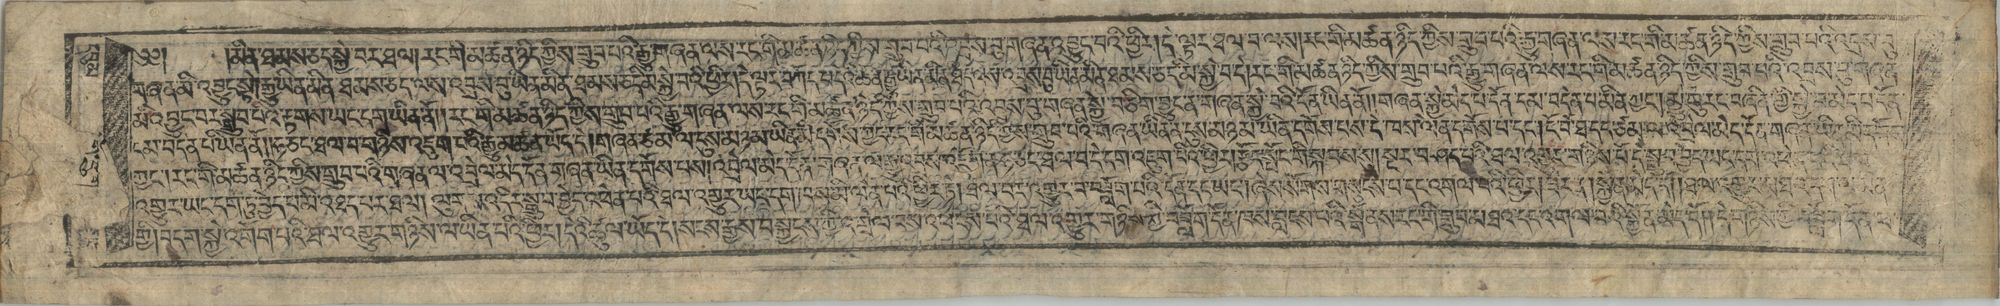༄༅། །མིན་ཐམས་ཅད་སྐྱེ་བར་ཐལ། རང་གི་མཚན་ཉིད་ཀྱིས་གྲུབ་པའི་རྒྱུ་གཞན་ལས་རང་གི་མཚན་ཉིད་ཀྱིས་གྲུབ་པའི་འབྲས་བུ་གཞན་འབྱུང་བའི་ཕྱིར། དེ་ལྟར་ཐལ་བ་ལས། རང་གི་མཚན་ཉིད་ཀྱིས་གྲུབ་པའི་རྒྱུ་གཞན་ལས་རང་གི་མཚན་ཉིད་ཀྱིས་གྲུབ་པའི་འབྲས་བུ་
གཞན་མི་འབྱུང་སྟེ། རྒྱུ་ཡིན་མིན་ཐམས་ཅད་ལས་འབྲས་བུ་ཡིན་མིན་ཐམས་ཅད་མི་སྐྱེ་བའི་ཕྱིར། དེ་ལྟར་བཀོད་བདེའི་ཚེ་ན་རྒྱུ་ཡིན་མིན་ཐམས་ཅད་ལས་འབྲས་བུ་ཡིན་མིན་ཐམས་ཅད་མི་སྐྱེ་བ་དེ། རང་གི་མཚན་ཉིད་ཀྱིས་གྲུབ་པའི་རྒྱུ་གཞན་ལས་རང་གི་མཚན་ཉིད་ཀྱིས་གྲུབ་པའི་འབྲས་བུ་གཞན་
མི་འབྱུང་བར་སྒྲུབ་པའི་རྟགས་ཡང་དག་ཡིན་ནོ། །རང་གི་མཚན་ཉིད་ཀྱིས་གྲུབ་པའི་རྒྱུ་གཞན་ལས་རང་གི་མཚན་ཉིད་ཀྱིས་གྲུབ་པའི་འབྲས་བུ་གཞན་སྐྱེ་བ་ཅིག་བྱུང་ན་གཞན་སྐྱེ་བའི་དོན་ཡིན་ནོ། །གཞན་སྐྱེ་མེད་པ་དོན་དམ་བདེན་པ་མིན་ཀྱང་། མྱུ་གུ་རང་བཞིན་གྱི་སྐྱེ་བ་མེད་པ་དོན་
དམ་བདེན་པ་ཡིན་ནོ། །ཧ་ཅང་ཐལ་བ་གཉིས་འཇུག་པའི་རྒྱུ་མཚན་ཡོད་དེ། གཞན་ཙམ་ལ་དུས་མཉམ་ཡིན་མི་དགོས་ཀྱང་རང་གི་མཚན་ཉིད་ཀྱིས་གྲུབ་པའི་གཞན་ཡིན་ན་དུས་མཉམ་ཡིན་དགོས་པས་དེ་ཁས་ལེན་དགོས་པ་དང་། ངོ་བོ་ཐ་དད་ཙམ་ལ་འབྲེལ་མེད་དོན་གཞན་ཡིན་མི་དགོས་
ཀྱང་། རང་གི་མཚན་ཉིད་ཀྱིས་གྲུབ་པའི་གཞན་ལ་འབྲེལ་མེད་དོན་གཞན་ཡིན་དགོས་པས། འབྲེལ་མེད་དོན་གཞན་ལ་རྒྱུ་འབྲས་འཇོག་ན་ཧ་ཅང་ཐལ་བ་དེ་དག་འཇུག་པའི་ཕྱིར། རྩོད་སྤོང་གི་སྐབས་སུ། སྔར་བཤད་པའི་ཐལ་འགྱུར་གཉིས་པོ་དེ་སྒྲུབ་བྱེད་ཡང་དག་འཕེན་པའི་ཐལ་
འགྱུར་ཡང་དག་ཏུ་བྱེད་པ་མི་འཐད་པར་ཐལ། ལུགས་འདིར་སྒྲུབ་བྱེད་འཕེན་པའི་ཐལ་འགྱུར་ཡང་དག་ཁས་མི་ལེན་པའི་ཕྱིར་ཏེ། ཐལ་བར་འགྱུར་བ་བཟློག་པའི་དོན་དང་ཡང་། ཞེས་སོགས་གསུངས་པ་དང་འགལ་པའི་ཕྱིར། ཟེར་ན། སྐྱོན་མེད་དོ། །ཐལ་འགྱུར་མཐའ་དག་ལ་མིན་
གྱི། བདག་སྐྱེ་འགོག་པའི་ཐལ་འགྱུར་གཉིས་ལ་ཡིན་པའི་ཕྱིར། དེའི་ཚུལ་ཡོད་དེ། སངས་རྒྱས་བསྐྱངས་ཀྱི་འགྲེལ་བས་འཕངས་པའི་ཐལ་འགྱུར་གཉིས་ཀྱི་བཟློག་དོན་ཁས་བླངས་པའི་སྒོ་ནས་རང་གི་གྲུབ་མཐའ་དང་འགལ་བའི་སྐྱོན་མེད་དོ། །དེ་གཉིས་ཀྱི་བཟློག་དོན་ཕ་